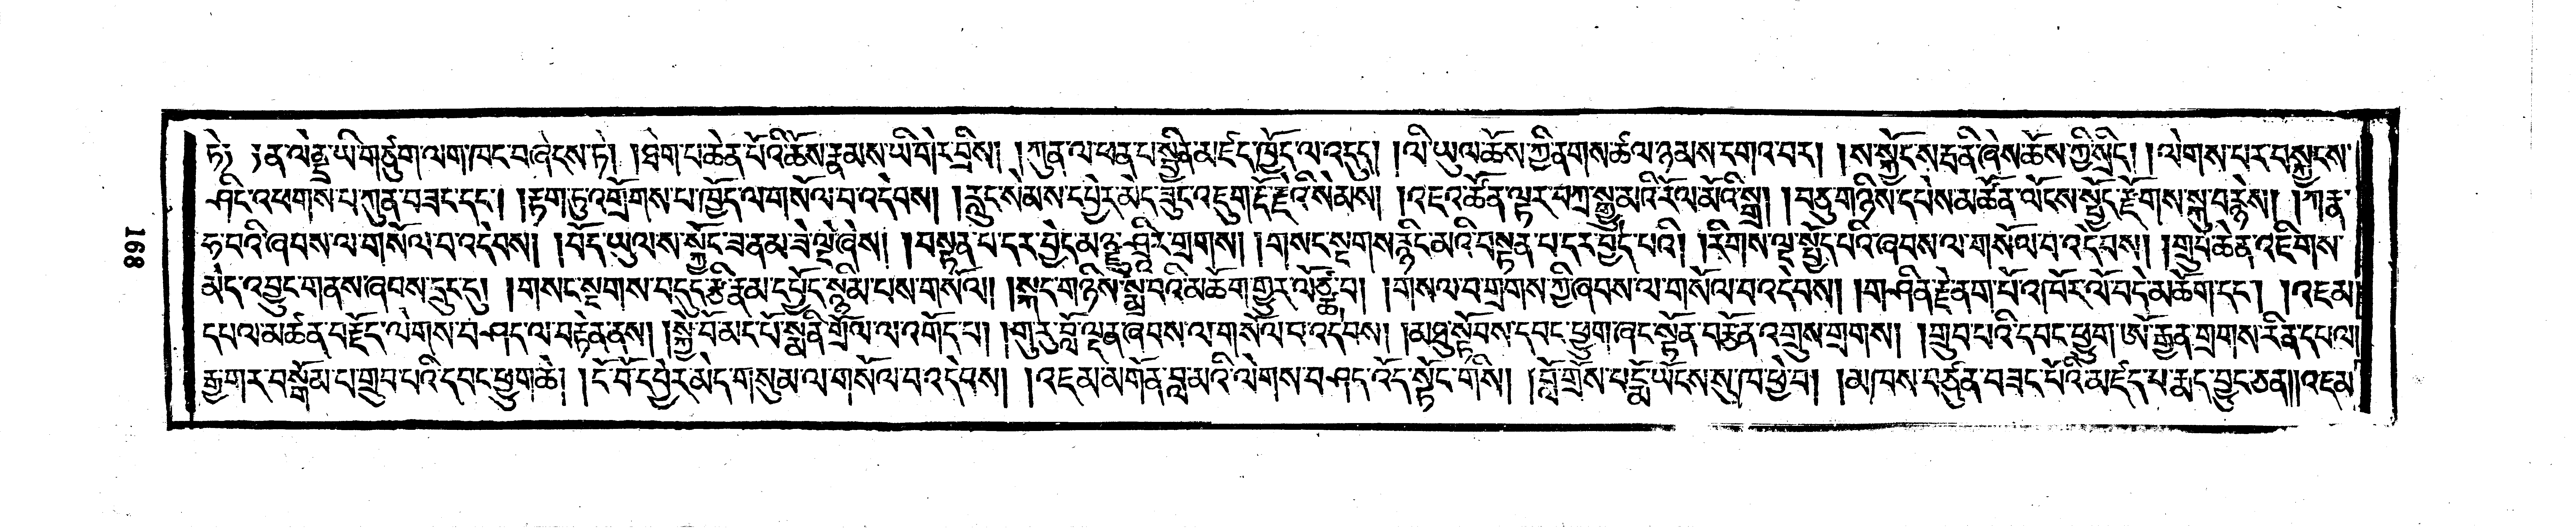ཏེ༑ ༑ན་ལེནྡྲ་ཡི་གཙུག་ལག་ཁང་བཞེངས་ཏེ། །ཐེག་པ་ཆེན་པོའི་ཆོས་རྣམས་ཡི་གེར་བྲིས། །ཀུན་ལ་ཕན་པ་སྦྱིན་མཛད་ཁྱོད་ལ་འདུད། །ལི་ཡུལ་ཆོས་ཀྱི་ནགས་ཚལ་ཉམས་དགའ་བར། །ས་སྐྱོང་སརྦ་ནི་ཞེས་ཆོས་ཀྱི་སྲིད། །ལེགས་པར་བསྐྱངས་
ཤིང་འཕགས་པ་ཀུན་བཟང་དང་། །རྟག་ཏུ་འགྲོགས་པ་ཁྱོད་ལ་གསོལ་བ་འདེབས། །རླུང་སེམས་དཔྱེར་མེད་ཟུང་འཇུག་རྡོ་རྗེའི་སེམས། །འཇའ་ཚོན་ལྟར་བཀྲ་སྒྱུ་མའི་རོལ་མོའི་སྒྲ། །བཅུ་གཉིས་དཔེས་མཚོན་ལོངས་སྤྱོད་རྫོགས་སྐུ་བརྙེས། །ཀརྣ་
ཧ་བའི་ཞབས་ལ་གསོལ་བ་འདེབས། །བོད་ཡུལ་ས་སྐྱོང་ཟ་ནམ་ཟེ་ལྡེ་ཞེས། །བསྟན་པ་དར་བྱེད་མཉྫུ་ཤྲཱིར་གྲགས། །གསང་སྔགས་རྙིང་མའི་བསྟན་པ་དར་བྱེད་པའི། །རིགས་ལྔ་སྤྱོད་པའི་ཞབས་ལ་གསོལ་བ་འདེབས། །གྲུབ་ཆེན་འཇིགས་
མེད་འབྱུང་གནས་ཞབས་དྲུང་དུ། །གསང་སྔགས་བདུད་རྩི་རྣམ་དཔྱོད་སྙིམ་པས་གསོལ། །སྐད་གཉིས་སྨྲ་བའི་མཆོག་གྱུར་ལོཙྪ་བ། །གསལ་བ་གྲགས་ཀྱི་ཞབས་ལ་གསོལ་བ་འདེབས། །གཤིན་རྗེ་ནག་པོ་འཁོར་ལོ་བདེ་མཆོག་དང་། །འཇམ་
དཔལ་མཚན་བརྗོད་ལེགས་བཤད་ལ་བརྟེན་ནས། །སྐྱེ་བོ་མང་པོ་སྨིན་གྲོལ་ལ་འགོད་པ། །གུ་རུ་བློ་ལྡན་ཞབས་ལ་གསོལ་བ་འདེབས། །མཐུ་སྟོབས་དབང་ཕྱུག་ཞང་སྟོན་བརྩོན་འགྲུས་གྲགས། །གྲུབ་པའི་དབང་ཕྱུག་ཨོ་རྒྱན་གྲགས་རིན་དཔལ།
རྒྱ་གར་བསྒོམ་པ་གྲུབ་པའི་དབང་ཕྱུག་ཆེ། །ངོ་བོ་དབྱེར་མེད་གསུམ་ལ་གསོལ་བ་འདེབས། །འཇམ་མགོན་བླ་མའི་ལེགས་བཤད་འོད་སྟོང་གིས། །བློ་གྲོས་པདམོ་ཡོངས་སུ་ཁ་ཕྱེ་བ། །མཁས་བཙུན་བཟང་པོའི་མཛད་པ་རྨད་བྱུང་ཅན། །འཇམ་